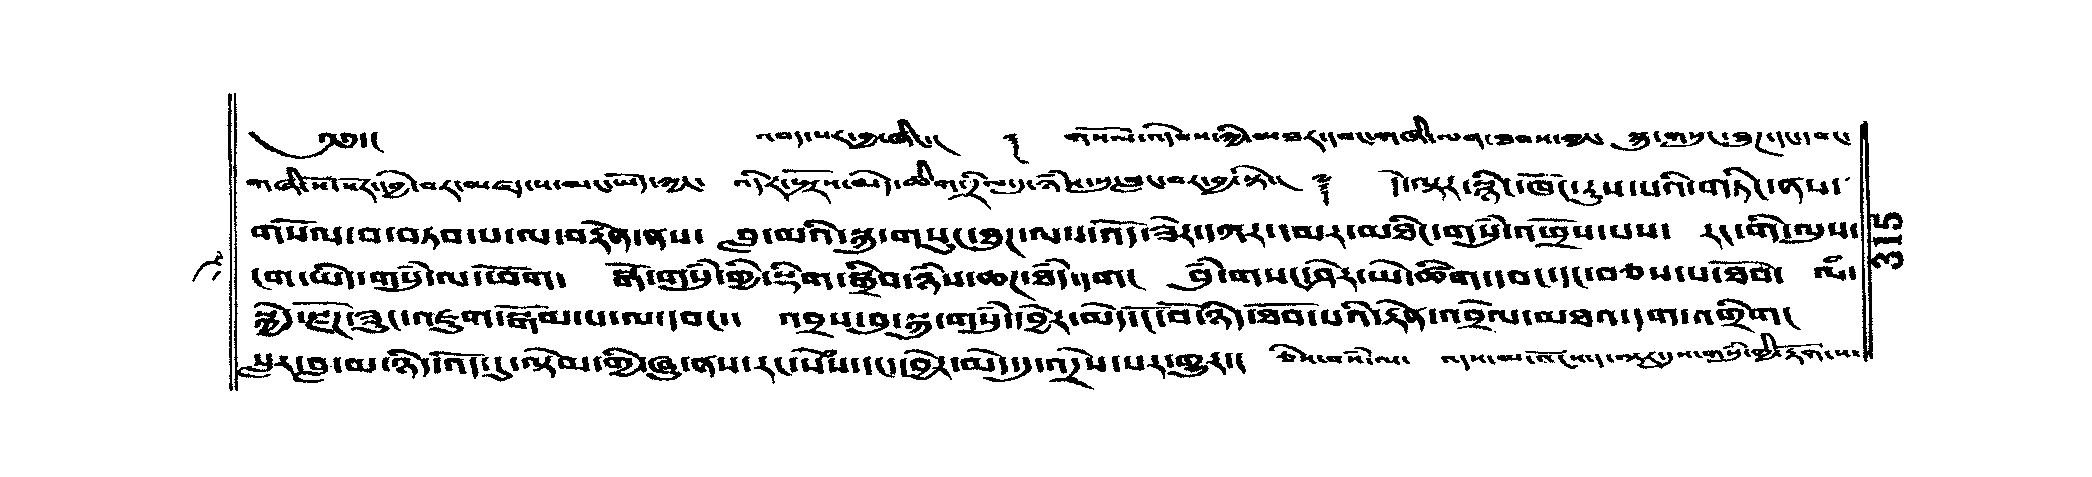འབད་པར་བྱ་ཞིང་། ༈ གསོལ་འདེབས་ཀྱི་མཐར་དབང་གཞི་ལན་ཐབས་ཀྱང་། སྐུ་གསུང་ཐུགས་དང་དབང་
གཞི་སོ་སོར་དབྱེ་བར་མཛད་པ་མང་ཡོད་ཀྱང་། འདིར་སྤྲོས་མེད་ཆིག་དྲིལ་དུ་ཉམས་སུ་བླང་བར་བྱ་སྟེ། ༈ དེ་ལྟར་སྙིང་ཁོང་རུས་པའི་གཏིང་ནས་
གསོལ་བ་བཏབ་པ་ལ་བརྟེན་ནས། བླ་མའི་སྐུ་གསུང་ཐུགས་ལས་འོད་ཟེར་དཀར་དམར་མཐིང་གསུམ་འཕྲོས་པས། རང་གི་ལུས་
ངག་ཡིད་གསུམ་ལ་ཕོག སྒོ་གསུམ་གྱི་སྡིག་སྒྲིབ་ཉམས་ཆགས་ཐམས་ཅད་དག བུམ་གསང་ཤེར་ཡེ་ཚིག་དབང་དང་བཅས་པ་ཐོབ། ལམ་
བསྐྱེད་རྫོགས་ཟུང་འཇུག་སྒོམ་པ་ལ་དབང་། འབྲས་བུ་སྐུ་གསུམ་དབྱེར་མེད་ངོ་བོ་ཉིད་ཐོབ་པའི་རྟེན་འབྲེལ་མཐའ་དག་འགྲིག 
སླར་བླ་མ་ཉིད་འོད་དུ་ལྟེམ་གྱི་ཞུ་ནས་རང་སེམས་དང་དབྱེར་མེད་དུ་འདྲེས་པར་གྱུར། ཅེས་བསམ་ལ། འདས་མ་འོངས་ད་ལྟ་དུས་གསུམ་གྱི་རྟོག་པ་